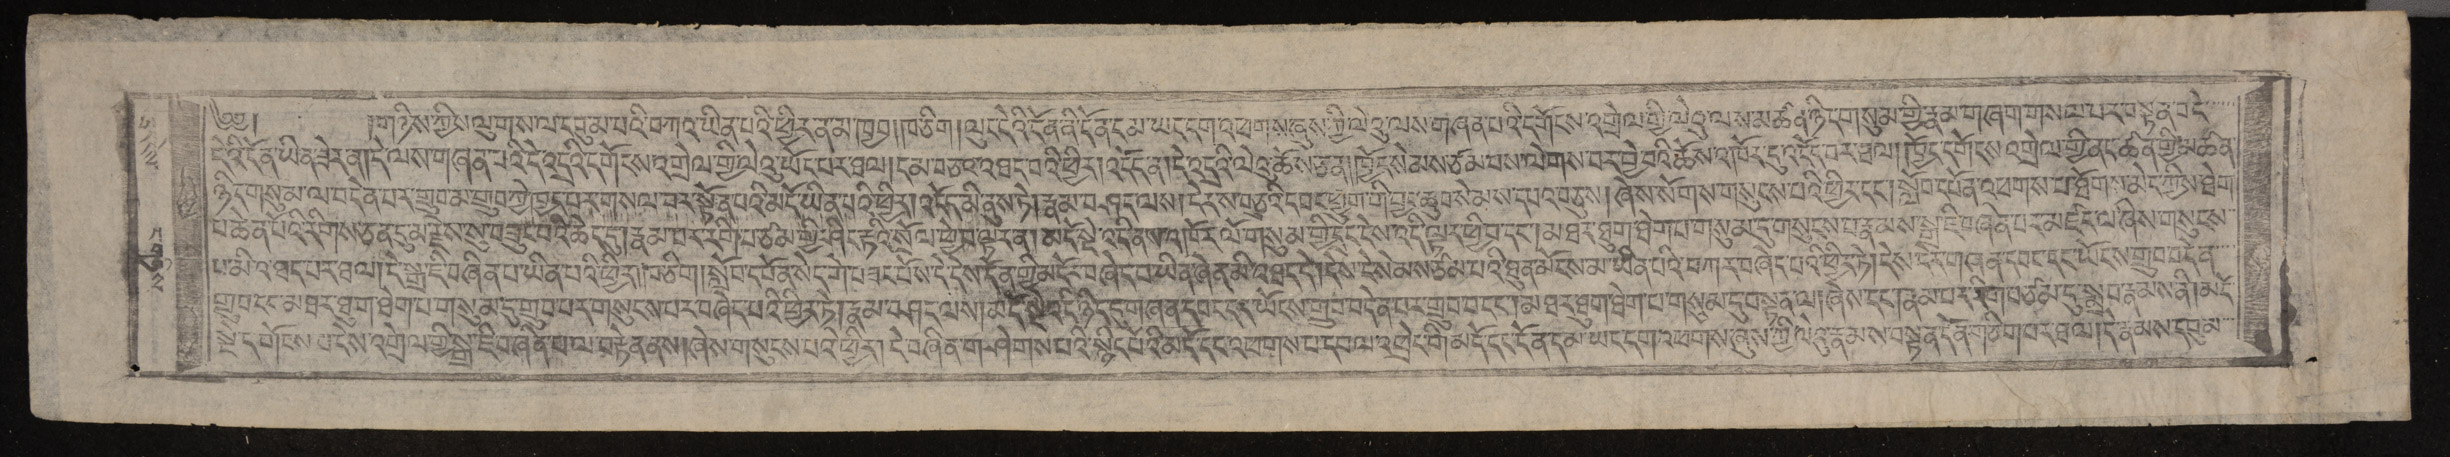༄༅། །གཉིས་ཀྱིས་ལུགས་ལ་དབུ་མ་པའི་བཀའ་ཡིན་པའི་ཕྱིར་ན་མ་ཁྱབ། ཁ་ཅིག། ལུང་དེའི་དོན་ནི་དོན་དམ་ཡང་དག་འཕགས་ཞུས་ཀྱི་ལེའུ་ལས་གཞན་པའི་དགོངས་འགྲེལ་གྱི་ལེའུ་ལས་མཚན་ཉིད་གསུམ་གྱི་རྣམ་གཞག་གསལ་བར་བསྟན་པ་དེ་
དེའི་དོན་ཡིན་ཟེར་ན། དེ་ལས་གཞན་པའི་དེ་འདྲའི་དགོངས་འགྲེལ་གྱི་ལེའུ་ཡོད་པར་ཐལ། དམ་བཅའ་འཐད་པའི་ཕྱིར། འདོད་ན། དེ་འདྲའི་ལེའུ་ཆོས་ཅན། ཁྱོད་སེམས་ཙམ་པས་ལེགས་པར་ཕྱེ་བའི་ཆོས་འཁོར་དུ་འདོད་པར་ཐལ། ཁྱོད་དགོངས་འགྲེལ་གྱི་ནང་ཚན་གྱི་མཚན་
ཉིད་གསུམ་ལ་བདེན་པར་གྲུབ་མ་གྲུབ་ཀྱི་ཁྱད་པར་གསལ་བར་སྟོན་པའི་མདོ་ཡིན་པའི་ཕྱིར། འདོད་མི་ནུས་ཏེ། རྣམ་བཤད་ལས། དེར་ས་བཅུའི་དབང་ཕྱུག་གི་བྱང་ཆུབ་སེམས་དཔའ་བཅུས། ཞེས་སོགས་གསུངས་པའི་ཕྱིར་དང་། སློབ་དཔོན་འཕགས་པ་ཐོགས་མེད་ཀྱིས་ཐེག་
པ་ཆེན་པོའི་རིགས་ཅན་དུ་མ་རྗེས་སུ་བཟུང་བའི་ཆེད་དུ། རྣམ་པར་རིག་པ་ཙམ་གྱི་ཤིང་རྟའི་སྲོལ་ཕྱེ་བ་ལྟར་ན། མདོ་སྡེ་འདི་ནས་འཁོར་ལོ་གསུམ་གྱི་དྲང་ངེས་འདི་ལྟར་ཕྱེ་བ་དང་། མཐར་ཐུག་ཐེག་པ་གསུམ་དུ་གསུངས་པ་རྣམས་སྒྲ་ཇི་བཞིན་པར་མཛད་ལ་ཞེས་གསུངས་
པ་མི་འཐད་པར་ཐལ། དེ་སྒྲ་ཇི་བཞིན་པ་ཡིན་པའི་ཕྱིར། ཁ་ཅིག། སློབ་དཔོན་སེང་གེ་བཟང་པོས་དེ་ངེས་དོན་གྱི་མདོར་བཞེད་པ་ཡིན་ཞེ་ན་མི་འཐད་དེ། དེས་དེ་སེམས་ཙམ་པའི་ཐུན་མོངས་མ་ཡིན་པའི་བཀར་བཞེད་པའི་ཕྱིར་ཏེ། དེས་དེར་གཞན་དབང་དང་ཡོངས་གྲུབ་བདེན་
གྲུབ་དང་མཐར་ཐུག་ཐེག་པ་གསུམ་དུ་གྲུབ་པར་གསུངས་པར་བཞེད་པའི་ཕྱིར་ཏེ། རྣམ་བཤད་ལས། མདོ་སྡེ་འདི་ཉིད་དུ་གཞན་དབང་དང་ཡོངས་གྲུབ་བདེན་པར་གྲུབ་པ་དང་། མཐར་ཐུག་ཐེག་པ་གསུམ་དུ་བསྟན་ལ། ཞེས་དང་། རྣམ་པར་རིག་པ་ཙམ་དུ་སྨྲ་བ་རྣམས་ནི། མདོ་
སྡེ་དགོངས་པ་དེས་འགྲེལ་གྱི་སྒྲ་ཇི་བཞིན་པ་ལ་བརྟེན་ནས། ཞེས་གསུངས་པའི་ཕྱིར། དེ་བཞིན་གཤེགས་པའི་སྙིང་པོའི་མདོ་དང་འཕགས་པ་དཔལ་འཕྲེང་གི་མདོ་དང་དོན་དམ་ཡང་དག་འཕགས་ཞུས་ཀྱི་ལེའུ་རྣམས་བསྟན་དོན་གཅིག་པར་ཐལ། དེ་རྣམས་དབུ་མ་